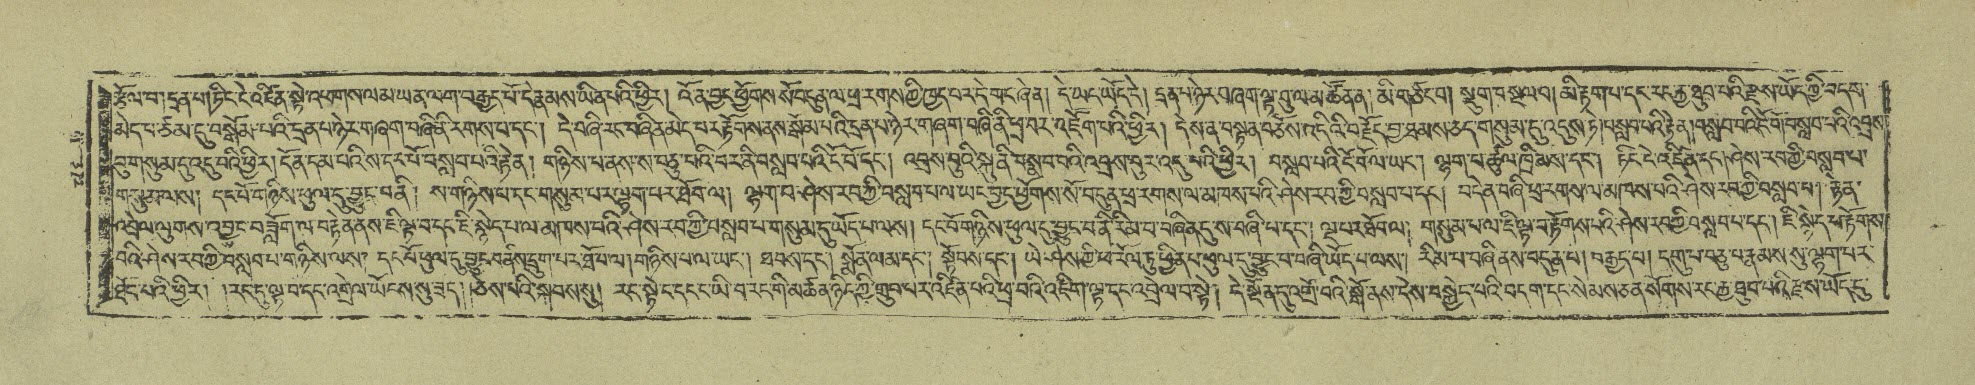རྩོལ་བ། དྲན་པ་ཏིང་ངེ་འཛིན་སྟེ་འཕགས་ལམ་ཡན་ལག་བརྒྱད་པོ་དེ་རྣམས་ཡིན་པའི་ཕྱིར། འོ་ན་བྱང་ཕྱོགས་སོ་བདུན་ལ་ཕྲ་རགས་ཀྱི་ཁྱད་པར་དེ་གང་ཞེ་ན། དེ་ཡང་ཡོད་དེ། ཀྱི་བདག་འཛིན་རྣམས་བུ་ལ་མཚོན་ན། མི་གཙང་བ། སྡུག་བསྔལ་བ། མི་རྟག་པ་དང་རང་རྐྱ་ཐུབ་པའི་རྫས་ཡོད་ཀྱི་བདག་
མེད་པ་ཙམ་དུ་བསྒོམ་པའི་དྲན་པ་ཉེར་གཞག་བཞི་ནི་རགས་པ་དང་། དེ་བཞི་རང་བཞིན་མེད་པར་རྟོགས་ནས་སྒོམ་པའི་དྲན་པ་ཉེར་གཞག་བཞི་ནི་ཕྲ་བར་འཇོག་པའི་ཕྱིར། དེས་ན་བསྟན་བཅོས་འདིའི་བརྗོད་བྱ་ཐམས་ཅད་གསུམ་དུ་འདུས་ཏེ། བསླབ་པའི་རྟེན། བསླབ་པའི་ངོ་བོ་བསླབ་པའི་འབྲས་
བུ་གསུམ་དུ་འདུ་བའི་ཕྱིར། དོན་དམ་པའི་ས་དང་པོ་བསླབ་པའི་རྟེན། གཉིས་པ་ནས་ས་བཅུ་པའི་བར་ནི་བསླབ་པའི་ངོ་བོ་དང་། འབྲས་བུའི་སྐུ་ནི་བསླབ་པའི་འབྲས་བུར་འདུ་བའི་ཕྱིར། བསླབ་པའི་ངོ་བོ་ལ་ཡང་། ལྷག་པ་ཚུལ་ཁྲིམས་དང་། ཏིང་ངེ་འཛིན་དང་ཤེས་རབ་ཀྱི་བསླབ་པ་
གསུམ་ལས། དང་པོ་གཉིས་ཕུལ་དུ་བྱུང་བ་ནི། ས་གཉིས་པ་དང་གསུམ་པར་ལྷག་པར་ཐོབ་ལ། ལྷག་པ་ཤེས་རབ་ཀྱི་བསླབ་པ་ལ་ཡང་བྱང་ཕྱོགས་སོ་བདུན་ཕྲ་རགས་ལ་མཁས་པའི་ཤེས་རབ་ཀྱི་བསླབ་པ་དང་། བདེན་བཞི་ཕྲ་རགས་ལ་མཁས་པའི་ཤེས་རབ་ཀྱི་བསླབ་པ། རྟེན་
འབྲེལ་ལུགས་འབྱུང་བཟློག་ལ་བརྟེན་ནས་ཇི་ལྟ་བ་དང་ཇི་སྙེད་པ་ལ་མཁས་པའི་ཤེས་རབ་ཀྱི་བསླབ་པ་གསུམ་དུ་ཡོད་པ་ལས། དང་པོ་གཉིས་ཕུལ་དུ་བྱུང་བ་ནི་རིམ་པ་བཞིན་དུ་ས་བཞི་པ་དང་། ལྔ་པར་ཐོབ་ལ། གསུམ་པ་ལ་ཇི་ལྟ་བ་རྟོགས་པའི་ཤེས་རབ་ཀྱི་བསླབ་པ་དང་། ཇི་སྙེད་པ་རྟོགས་
བའི་ཤེས་རབ་ཀྱི་བསླབ་པ་གཉིས་ལས། དང་པོ་ཕུལ་དུ་བྱུང་བ་ནི་ས་དྲུག་པར་ཐོབ་ལ། གཉིས་པ་ལ་ཡང་། ཐབས་དང་སྨོན་ལམ་དང་། སྟོབས་དང་། ཡེ་ཤེས་ཀྱི་ཕ་རོལ་ཏུ་ཕྱིན་པ་ཕུལ་དུ་བྱུང་བ་བཞི་ཡོད་པ་ལས། རིམ་པ་བཞི་ནས་བདུན་པ། བརྒྱད་པ། དགུ་པ་བཅུ་པ་རྣམས་སུ་ལྷག་པར་
ཐོབ་པའི་ཕྱིར། །རང་དུ་ལྟ་བ་དང་འབྲེལ་ཡོངས་སུ་ཟད། །ཅེས་པའི་སྐབས་སུ། རང་སྟེ་ང་དང་ང་ཡི་བ་རང་གི་མཚན་ཉིད་ཀྱིས་གྲུབ་པར་འཛིན་པའི་ཕྲ་བའི་འཇིག་ལྟ་དང་འབྲེལ་བ་སྟེ། དེ་སྔོན་དུ་འགྲོ་བའི་སྒོ་ནས་དེས་བསྐྱེད་པའི་བདག་དང་སེམས་ཅན་སོགས་རང་རྐྱ་ཐུབ་པའི་རྫས་ཡོད་དུ་